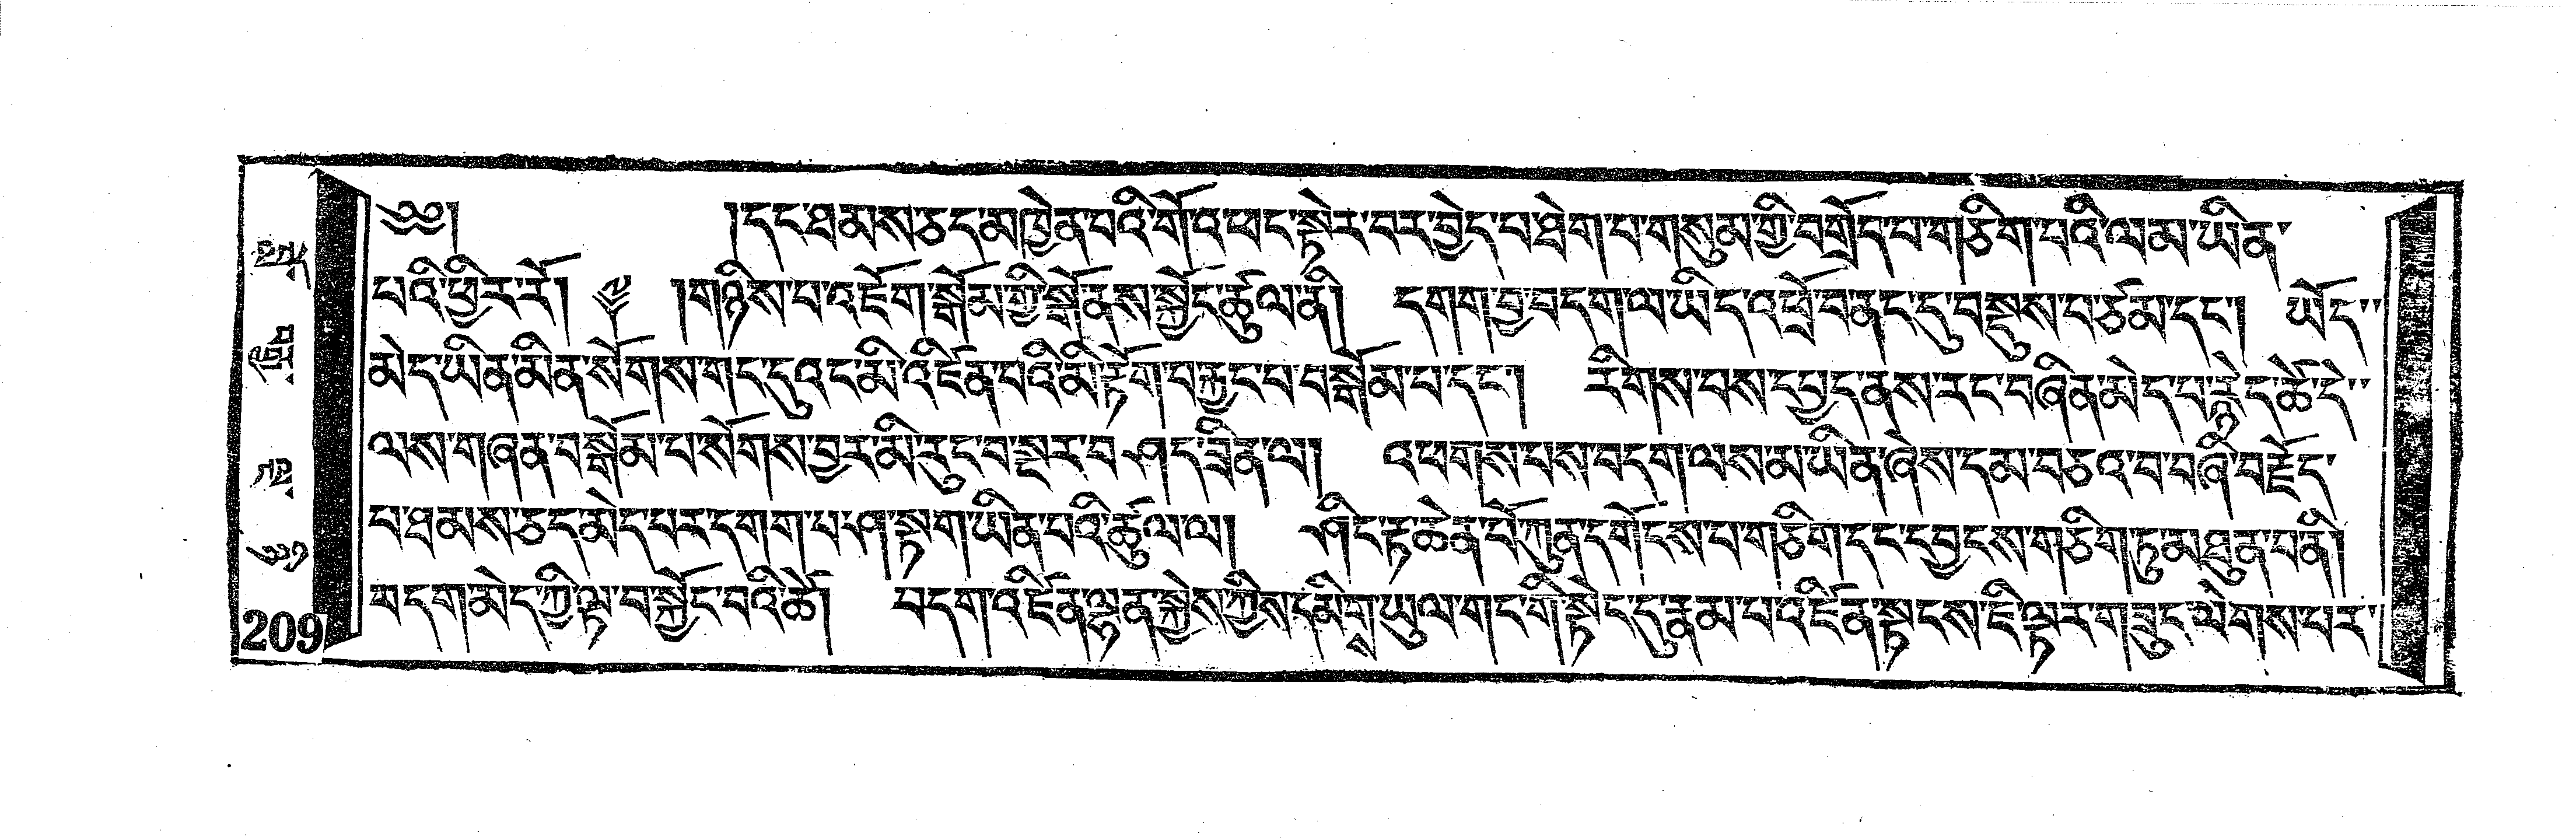༄༅། །དང་ཐམས་ཅད་མཁྱེན་པའི་གོ་འཕང་སྟེར་བར་བྱེད་པ་ཐེག་པ་གསུམ་གྱི་བགྲོད་པ་གཅིག་པའི་ལམ་ཡིན་
པའི་ཕྱིར་རོ། ༈ །གཉིས་པ་འཇོག་སྒོམ་གྱི་སྒོ་ནས་སྐྱོང་ཚུལ་ནི། དགག་བྱ་བདག་ལ་ཡིད་འཕྲོ་བ་ནང་དུ་བསྡུས་པ་ཙམ་དང་། ཡོད་
མེད་ཡིན་མིན་སོགས་གང་དུའང་མི་འཛིན་པའི་མི་རྟོག་པ་རྐྱང་པ་བསྒོམ་པ་དང་། རིགས་པས་དཔྱད་ནས་རང་བཞིན་མེད་པ་རྙེད་ཚེ་དེ་
ལས་གཞན་བསྒོམ་པ་སོགས་བྱར་མི་རུང་བ་སྔར་བཤད་ཟིན་ལ། འཕགས་པས་བདག་ལས་མ་ཡིན་ཞེས་དམ་བཅའ་བ་བཞི་བརྗོད་
པ་ཐམས་ཅད་མེད་པར་དགག་པ་ཤ་སྟག་ཡིན་པའི་ཚུལ་ལ། ཤིང་རྟ་ཆེན་པོ་ཀུན་དགོངས་པ་གཅིག་དང་དབྱངས་གཅིག་ཏུ་མཐུན་པ་ནི།
བདག་མེད་ཀྱི་ལྟ་བ་སྐྱོང་བའི་ཚེ། བདག་འཛིན་ལྷན་སྐྱེས་ཀྱིས་དམིགས་ཡུལ་གང་གི་སྟེང་དུ་རྣམ་པ་འཛིན་སྟངས་ཇི་ལྟར་གཟུང་ལེགས་པར་